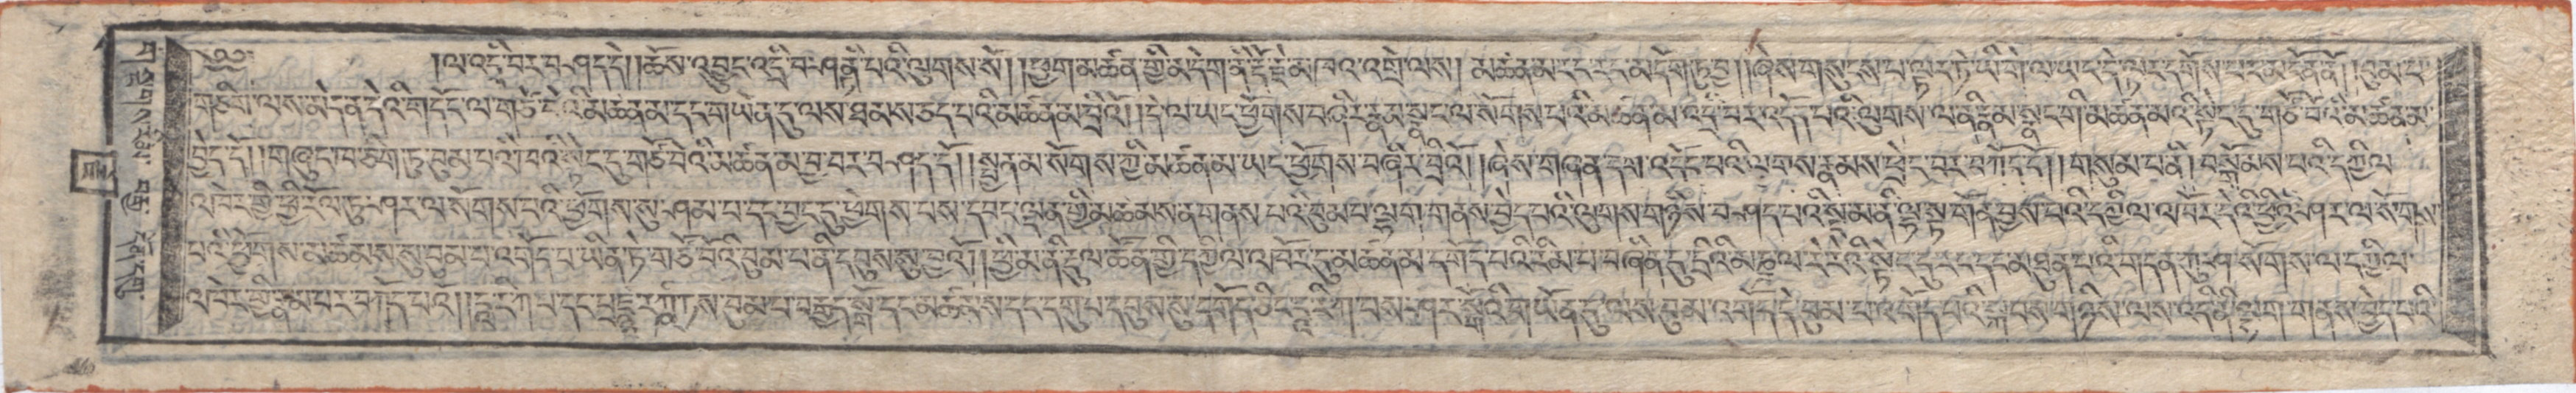༄༅། །ལ་འདྲི་བར་བཤད་དེ། །ཆོས་འབྱུང་འདྲི་བ་ཤནྟི་པའི་ལུགས་སོ། །ཕྱག་མཚན་གྱི་མདོག་ནི་རྡོ་རྗེ་མཁའ་འགྲོ་ལས། མཚན་མ་རང་རང་མདོག་ཏུ་བྱ། །ཞེས་གསུངས་པ་ལྟར་ཏེ་ཡི་གེ་ལ་ཡང་དེ་ལྟར་དགོས་པར་མངོན་ནོ། །བུམ་པ་
གཅིག་ལས་མེད་ན་དེའི་གདོང་ལ་གཙོ་བོའི་མཚན་མ་དང་གཡོན་དུ་ལས་ཐམས་ཅད་པའི་མཚན་མ་བྲིའོ། །དེ་ལ་ཡང་ཕྱོགས་བཞིར་རྣམ་སྣང་ལ་སོགས་པའི་མཚན་མ་འདྲི་བར་འདོད་པའི་ལུགས་ལ་ནི་རྣམ་སྣང་གི་མཚན་མའི་སྟེང་དུ་གཙོ་བོའི་མཚན་མ་
བྱེད་དོ། །གཞུང་ཁ་ཅིག་ཏུ་བུམ་པའི་ཁའི་སྟེང་དུ་གཙོ་བོའི་མཚན་མ་བྱ་བར་བཤད་དོ། །སྤྱན་མ་སོགས་ཀྱི་མཚན་མ་ཡང་ཕྱོགས་བཞིར་བྲིའོ། །ཞེས་གཞན་དག་འདོད་པའི་ལུགས་རྣམས་ཕྲེང་བར་བཀོད་དོ། །གསུམ་པ་ནི། བསྒོམས་པའི་དཀྱིལ་
འཁོར་གྱི་ཕྱི་རོལ་ཏུ་ཤར་ལ་སོགས་པའི་ཕྱོགས་སུ་ཤམ་པ་དང་བྱང་དུ་ཕྱོགས་པས་དབང་ལྡན་གྱི་མཚམས་ན་གནས་པའི་བུམ་པ་ལྷག་གནས་བྱེད་པའི་ལུགས་གཉིས་བཤད་པའི་སྔ་མ་ནི་ལྷ་སྟ་གོན་བྱས་པའི་དཀྱིལ་འཁོར་དེའི་ཕྱིའི་ཤར་ལ་སོགས་
པའི་ཕྱོགས་མཚམས་སུ་བུམ་པ་འགོད་པ་ཡིན་ཏེ་གཙོ་བོའི་བུམ་པ་ནི་དབུས་སུ་བྱའོ། །ཕྱི་མ་ནི་རྡུལ་ཚོན་གྱི་དཀྱིལ་འཁོར་དུ་མཚན་མ་དགོད་པའི་རིམ་པ་བཞིན་དུ་དྲིའི་མཎྜ་ལ་རེ་རེའི་སྟེང་དུ་རང་དང་མཐུན་པའི་གདན་ཀུ་ཤ་སོགས་ལ་དཀྱིལ་
འཁོར་གྱི་རྣམ་པ་བཀོད་པའོ། །དཱ་རི་ཀ་པ་དང་པྲཛྙ་རཀྵི་ཏས་བུམ་པ་བརྒྱད་སྒོ་དང་མཚམས་དང་དགུ་པ་དབུས་སུ་དགོད་ཅིང་དཱ་རི་ཀ་པས་ཤར་སྒོའི་གཡོན་དུ་ལས་བུམ་འགོད་དེ་བུམ་པ་འགོད་པའི་སྐབས་གཉིས་ལས་འདི་ནི་ལྷག་གནས་བྱེད་པའི་